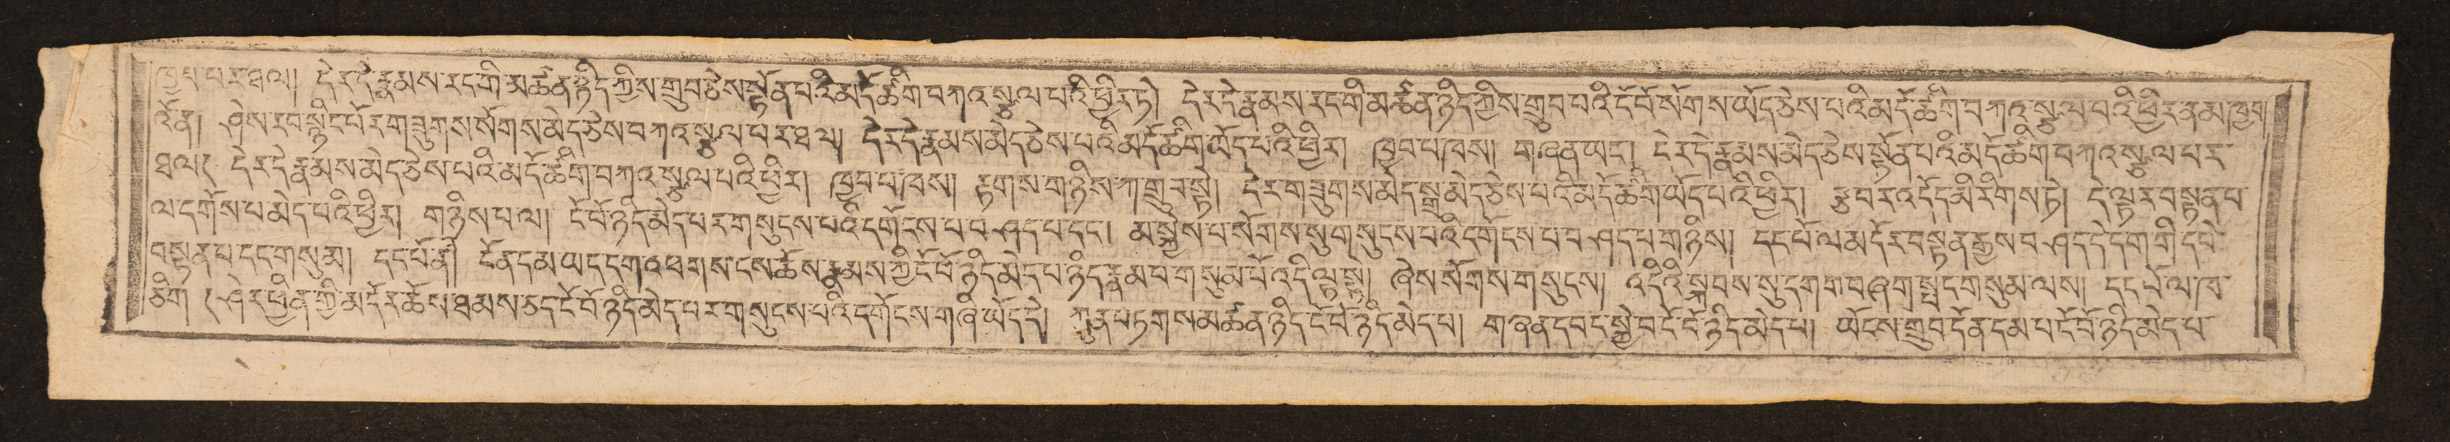ཁྱབ་པར་ཐལ། དེར་དེ་རྣམས་རང་གི་མཚན་ཉིད་ཀྱིས་གྲུབ་ཅེས་སྟོན་པའི་མདོ་ཚིག་བཀའ་སྩལ་པའི་ཕྱིར་ཏེ། དེར་དེ་རྣམས་རང་གི་མཚན་ཉིད་ཀྱིས་གྲུབ་པའི་ངོ་བོ་སོགས་ཡོད་ཅེས་པའི་མདོ་ཚིག་བཀའ་སྩལ་པའི་ཕྱིར་ན་མ་ཁྱབ།
འོ་ན། ཤེས་རབ་སྙིང་པོར་གཟུགས་སོགས་མེད་ཅེས་བཀའ་སྩལ་པར་ཐལ། དེར་དེ་རྣམས་མེད་ཅེས་པའི་མདོ་ཚིག་ཡོད་པའི་ཕྱིར། ཁྱབ་པ་ཁས། གཞན་ཡང་། དེར་དེ་རྣམས་མེད་ཅེས་སྟོན་པའི་མདོ་ཚིག་བཀའ་སྩལ་པར་
ཐལ༑ དེར་དེ་རྣམས་མེད་ཅེས་པའི་མདོ་ཚིག་བཀའ་སྩལ་པའི་ཕྱིར། ཁྱབ་པ་ཁས། རྟགས་གཉིས་ཀ་གྲུབ་སྟེ། དེར་གཟུགས་མེད་སྒུ་མེད་ཅེས་པའི་མདོ་ཚིག་ཡོད་པའི་ཕྱིར། རྩ་བར་འདོད་མི་རིགས་ཏེ། དེ་ལྟར་བསྟན་པ་
ལ་དགོས་པ་མེད་པའི་ཕྱིར། གཉིས་པ་ལ། ངོ་བོ་ཉིད་མེད་པར་གསུངས་པའི་དགོངས་པ་བཤད་པ་དང་། མ་སྐྱེས་པ་སོགས་སུ་གསུངས་པའི་དགོངས་པ་བཤད་པ་གཉིས། དང་པོ་ལ་མདོར་བསྟན་རྒྱས་བཤད་དེ་དག་གི་དཔེ་
བསྟན་པ་དང་གསུམ། དང་པོ་ནི། དོན་དམ་ཡང་དག་འཕགས་ངས་ཆོས་རྣམས་ཀྱི་ངོ་བོ་ཉིད་མེད་པ་ཉིད་རྣམ་པ་གསུམ་པོ་འདི་ལྟ་སྟེ། ཞེས་སོགས་གསུངས། འདིའི་སྐབས་སུ་དགག་བཞག་སྤང་གསུམ་ལས། དང་པོ་ལ་ཁ་
ཅིག ༑ཤེར་ཕྱིན་གྱི་མདོར་ཆོས་ཐམས་ཅད་ངོ་བོ་ཉིད་མེད་པར་གསུངས་པའི་དགོངས་གཞི་ཡོད་དེ། ཀུན་བཏགས་མཚན་ཉིད་ངོ་བོ་ཉིད་མེད་པ། གཞན་དབང་སྐྱེ་བ་ངོ་བོ་ཉིད་མེད་པ། ཡོངས་གྲུབ་དོན་དམ་པ་ངོ་བོ་ཉིད་མེད་པ་